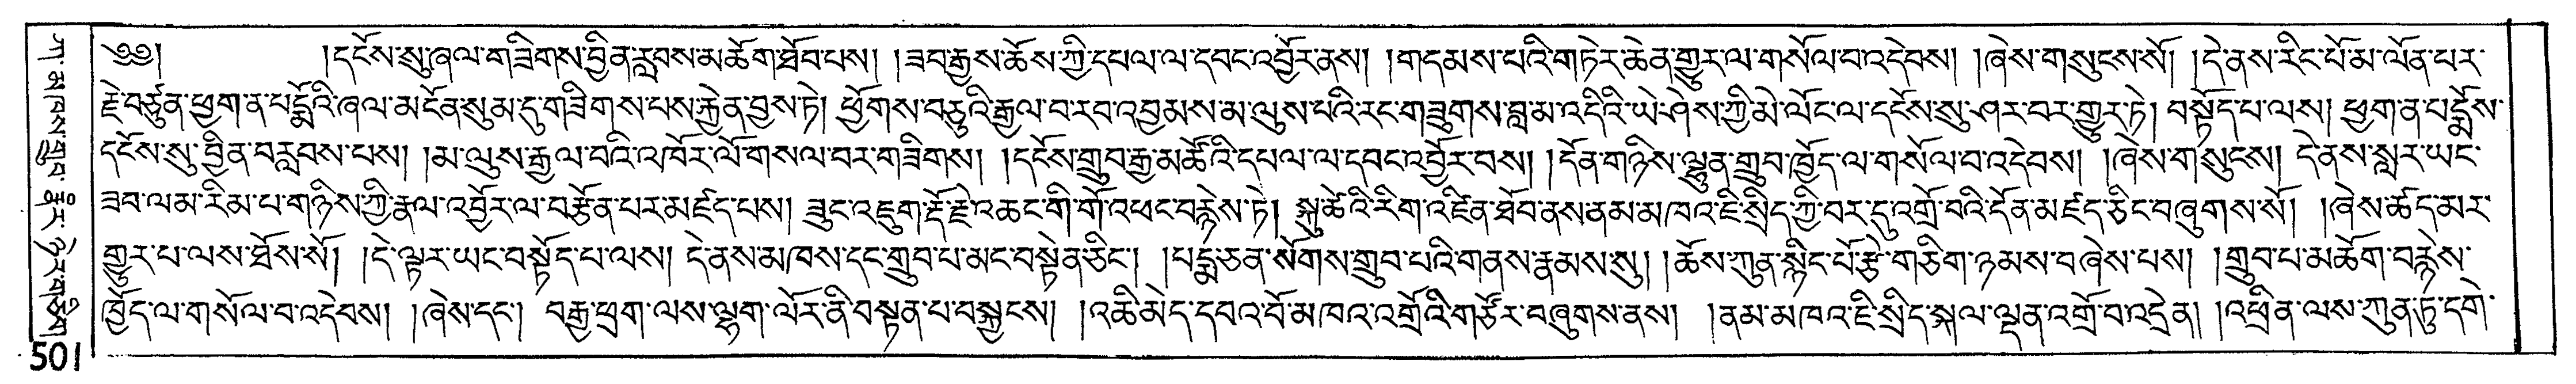༄༅། །དངོས་སུ་ཞལ་གཟིགས་བྱིན་རླབས་མཆོག་ཐོབ་པས། །ཟབ་རྒྱས་ཆོས་ཀྱི་དཔལ་ལ་དབང་འབྱོར་ནས། །གདམས་པའི་གཏེར་ཆེན་གྱུར་ལ་གསོལ་བ་འདེབས། །ཞེས་གསུངས་སོ། །དེ་ནས་རིང་པོ་མ་ལོན་པར་
རྗེ་བཙུན་ཕྱག་ན་པདམོའི་ཞལ་མངོན་སུམ་དུ་གཟིགས་པས་རྐྱེན་བྱས་ཏེ། ཕྱོགས་བཅུའི་རྒྱལ་བ་རབ་འབྱམས་མ་ལུས་པའི་རང་གཟུགས་བླ་མ་འདིའི་ཡེ་ཤེས་ཀྱི་མེ་ལོང་ལ་དངོས་སུ་ཤར་བར་གྱུར་ཏེ། བསྟོད་པ་ལས། ཕྱག་ན་པདམོས་
དངོས་སུ་བྱིན་བརླབས་པས། །མ་ལུས་རྒྱལ་བའི་འཁོར་ལོ་གསལ་བར་གཟིགས། །དངོས་གྲུབ་རྒྱ་མཚོའི་དཔལ་ལ་དབང་འབྱོར་བས། །དོན་གཉིས་ལྷུན་གྲུབ་ཁྱོད་ལ་གསོལ་བ་འདེབས། །ཞེས་གསུངས། དེ་ནས་སླར་ཡང་
ཟབ་ལམ་རིམ་པ་གཉིས་ཀྱི་རྣལ་འབྱོར་ལ་བརྩོན་པར་མཛད་པས། ཟུང་འཇུག་རྡོ་རྗེ་འཆང་གི་གོ་འཕང་བརྙེས་ཏེ། སྐུ་ཚེའི་རིག་འཛིན་ཐོབ་ནས་ནམ་མཁའ་ཇི་སྲིད་ཀྱི་བར་དུ་འགྲོ་བའི་དོན་མཛད་ཅིང་བཞུགས་སོ། །ཞེས་ཚད་མར་
གྱུར་པ་ལས་ཐོས་སོ། །དེ་ལྟར་ཡང་བསྟོད་པ་ལས། དེ་ནས་མཁས་དང་གྲུབ་པ་མང་བསྟེན་ཅིང་། །པདམ་ཅན་སོགས་གྲུབ་པའི་གནས་རྣམས་སུ། །ཆོས་ཀུན་སྙིང་པོ་རྩེ་གཅིག་ཉམས་བཞེས་པས། །གྲུབ་པ་མཆོག་བརྙེས་
ཁྱོད་ལ་གསོལ་བ་འདེབས། །ཞེས་དང་། བརྒྱ་ཕྲག་ལས་ལྷག་ལོར་ནི་བསྟན་པ་བསྐྱངས། །འཆི་མེད་དབའ་བོ་མཁའ་འགྲོའི་གཙོར་བཞུགས་ནས། །ནམ་མཁའ་ཇི་སྲིད་སྐལ་ལྡན་འགྲོ་བ་འདྲེན། །འཕྲིན་ལས་ཀུན་ཏུ་དགེ་